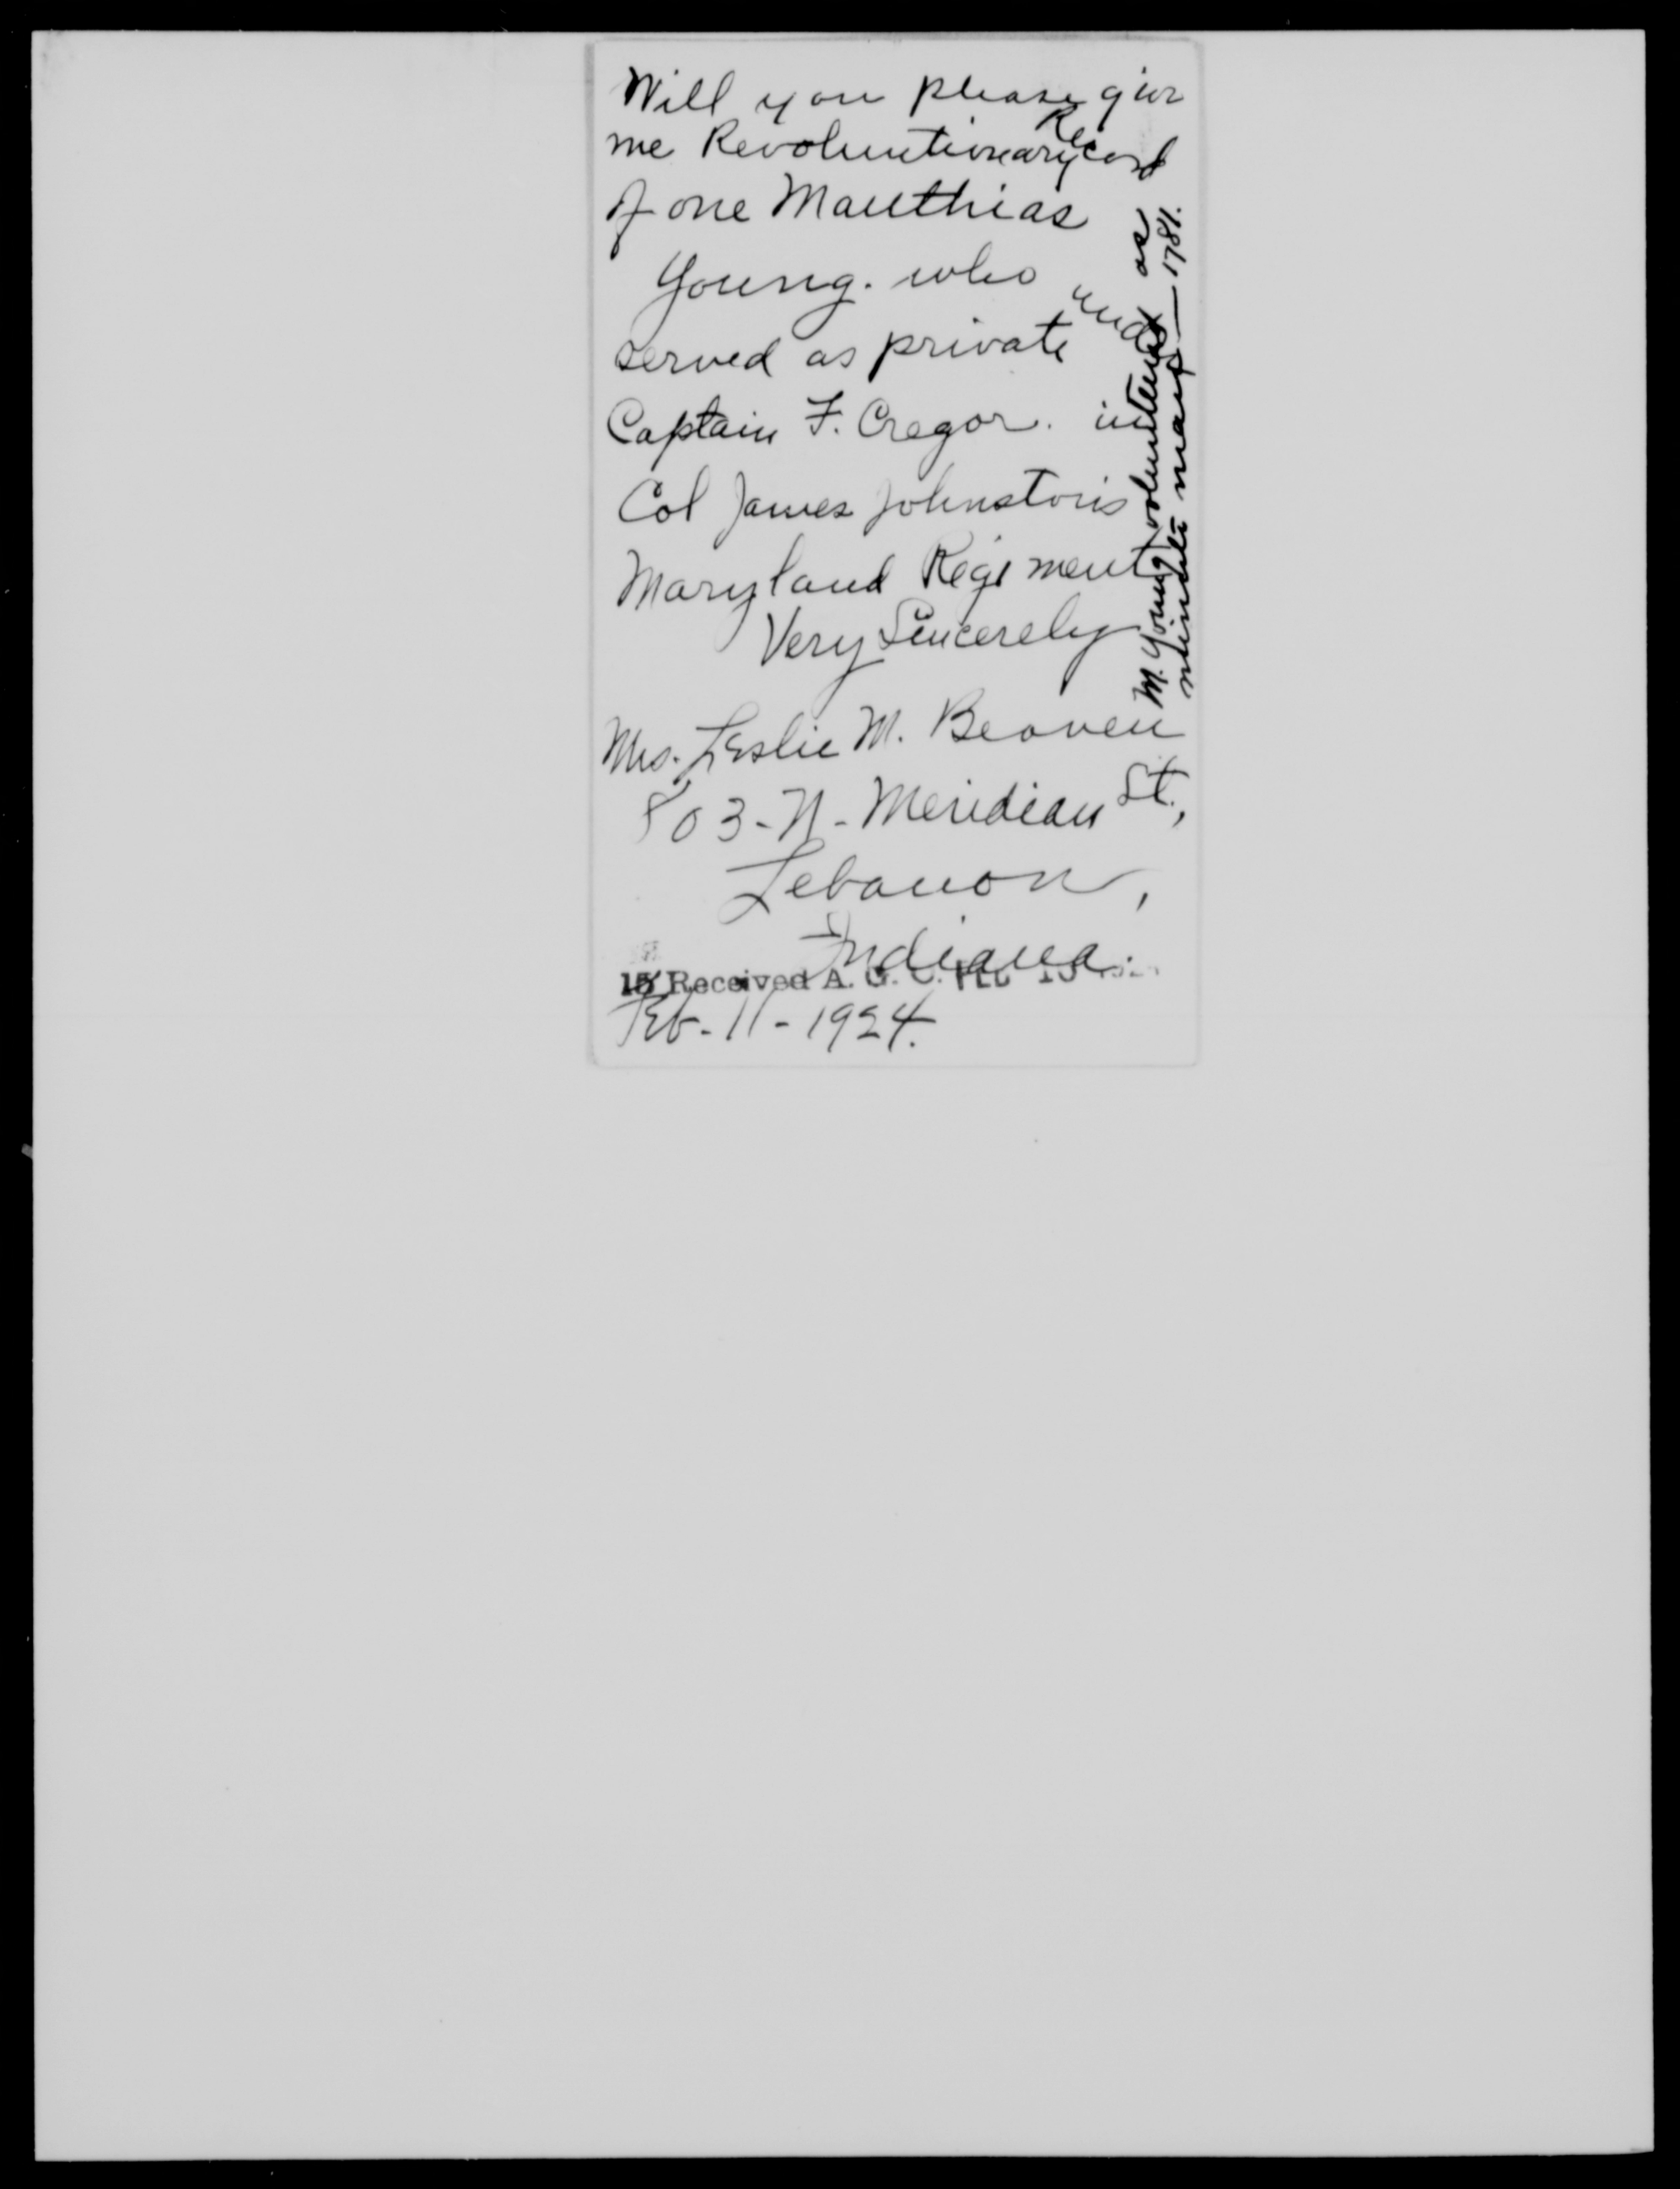Will you please give
me Revoluntionary Record
of one Mathias
Young, who
served as private iunder 
Captain F. Cregor in
Col James Johnstons
Maryland Regiment
Very Sincerely
Mrs. Leslie M. Beaven
803.N. Meridian,
Lebanon
Indiana
15 Received A G O FEB 16 1924
Feb. 11-1924.

M Young volunteered as militia man - 1781.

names: Mauthias Young, F Cregor, Leslie M Beaven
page: 61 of 123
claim: rejected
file: R. 11,949, Matthias Young, Md.